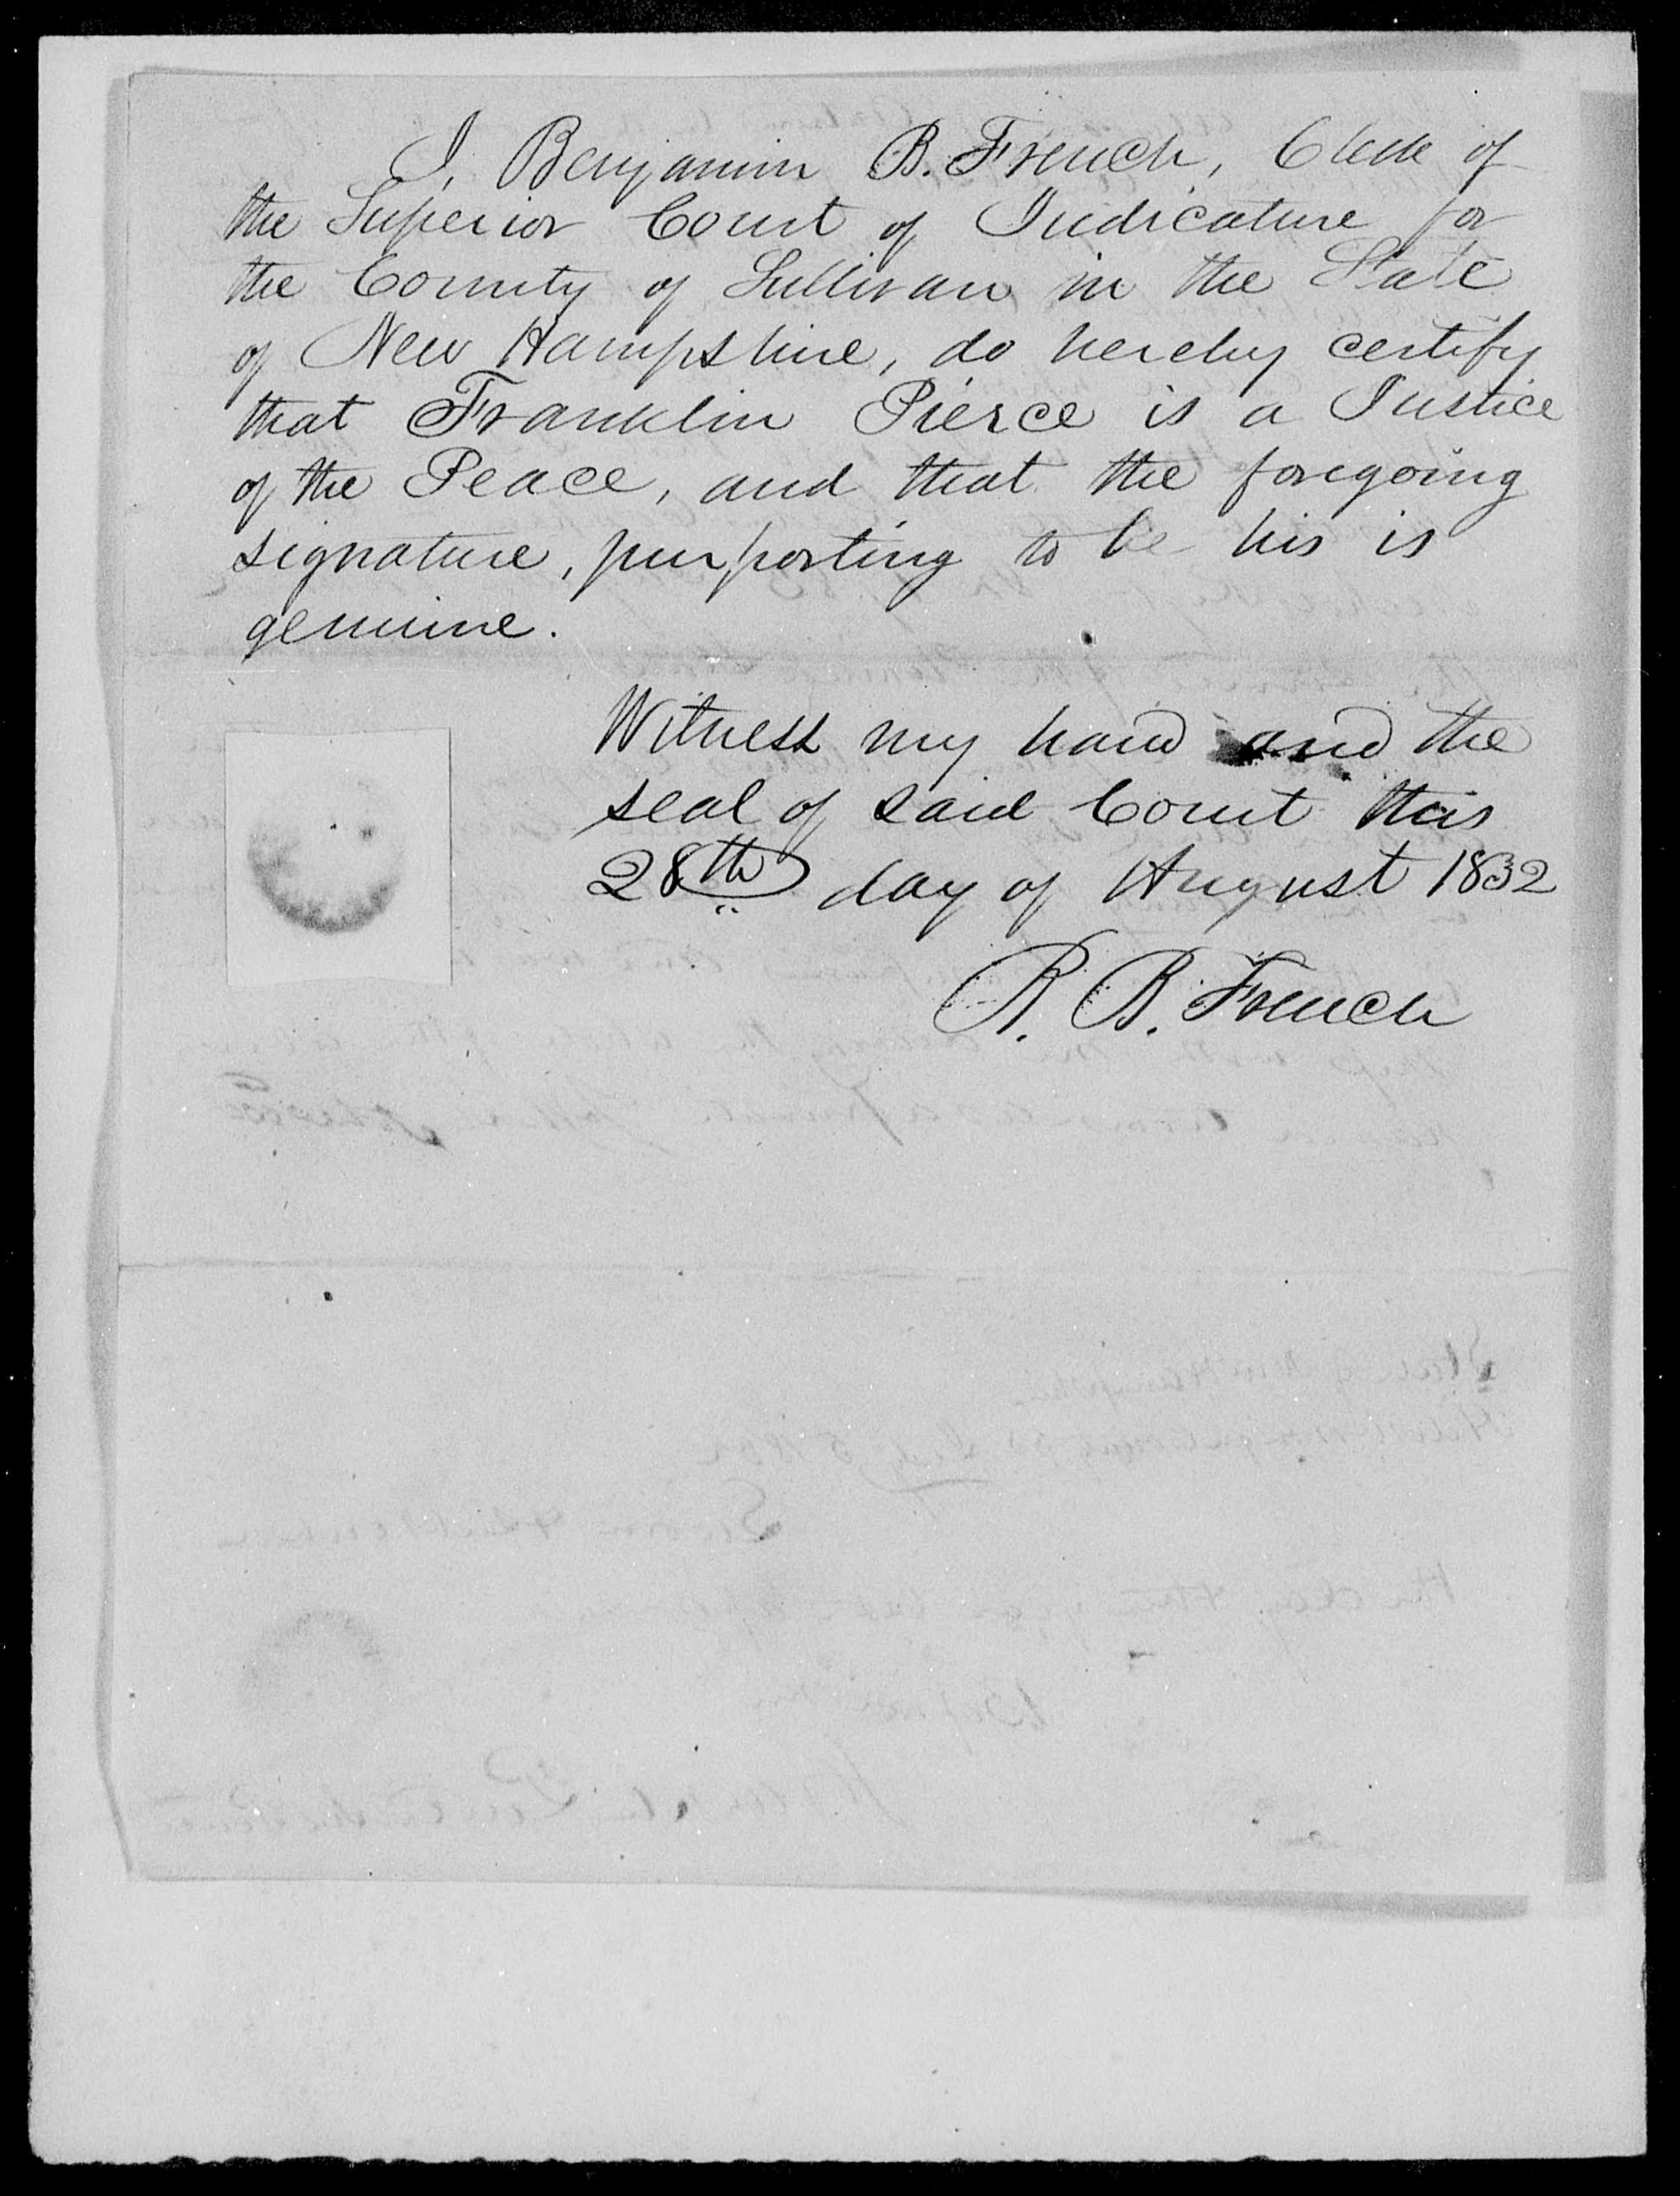I, Benjamin B. French, Clerk of the Superior Court of Judicature for the County of Sullivan in the State of New Hampshire, do hereby certify that Franklin Pierce is a Justice of the Peace, and that the foregoing signature, purporting to be his genuine.

Witness my hand and the seal of said Court this 28th day of August 1832.

R.B. French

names: Benjamin B French, B B French, Franklin Pierce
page: 17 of 19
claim: survivor's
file: S. 15140, Samuel George, N.H.